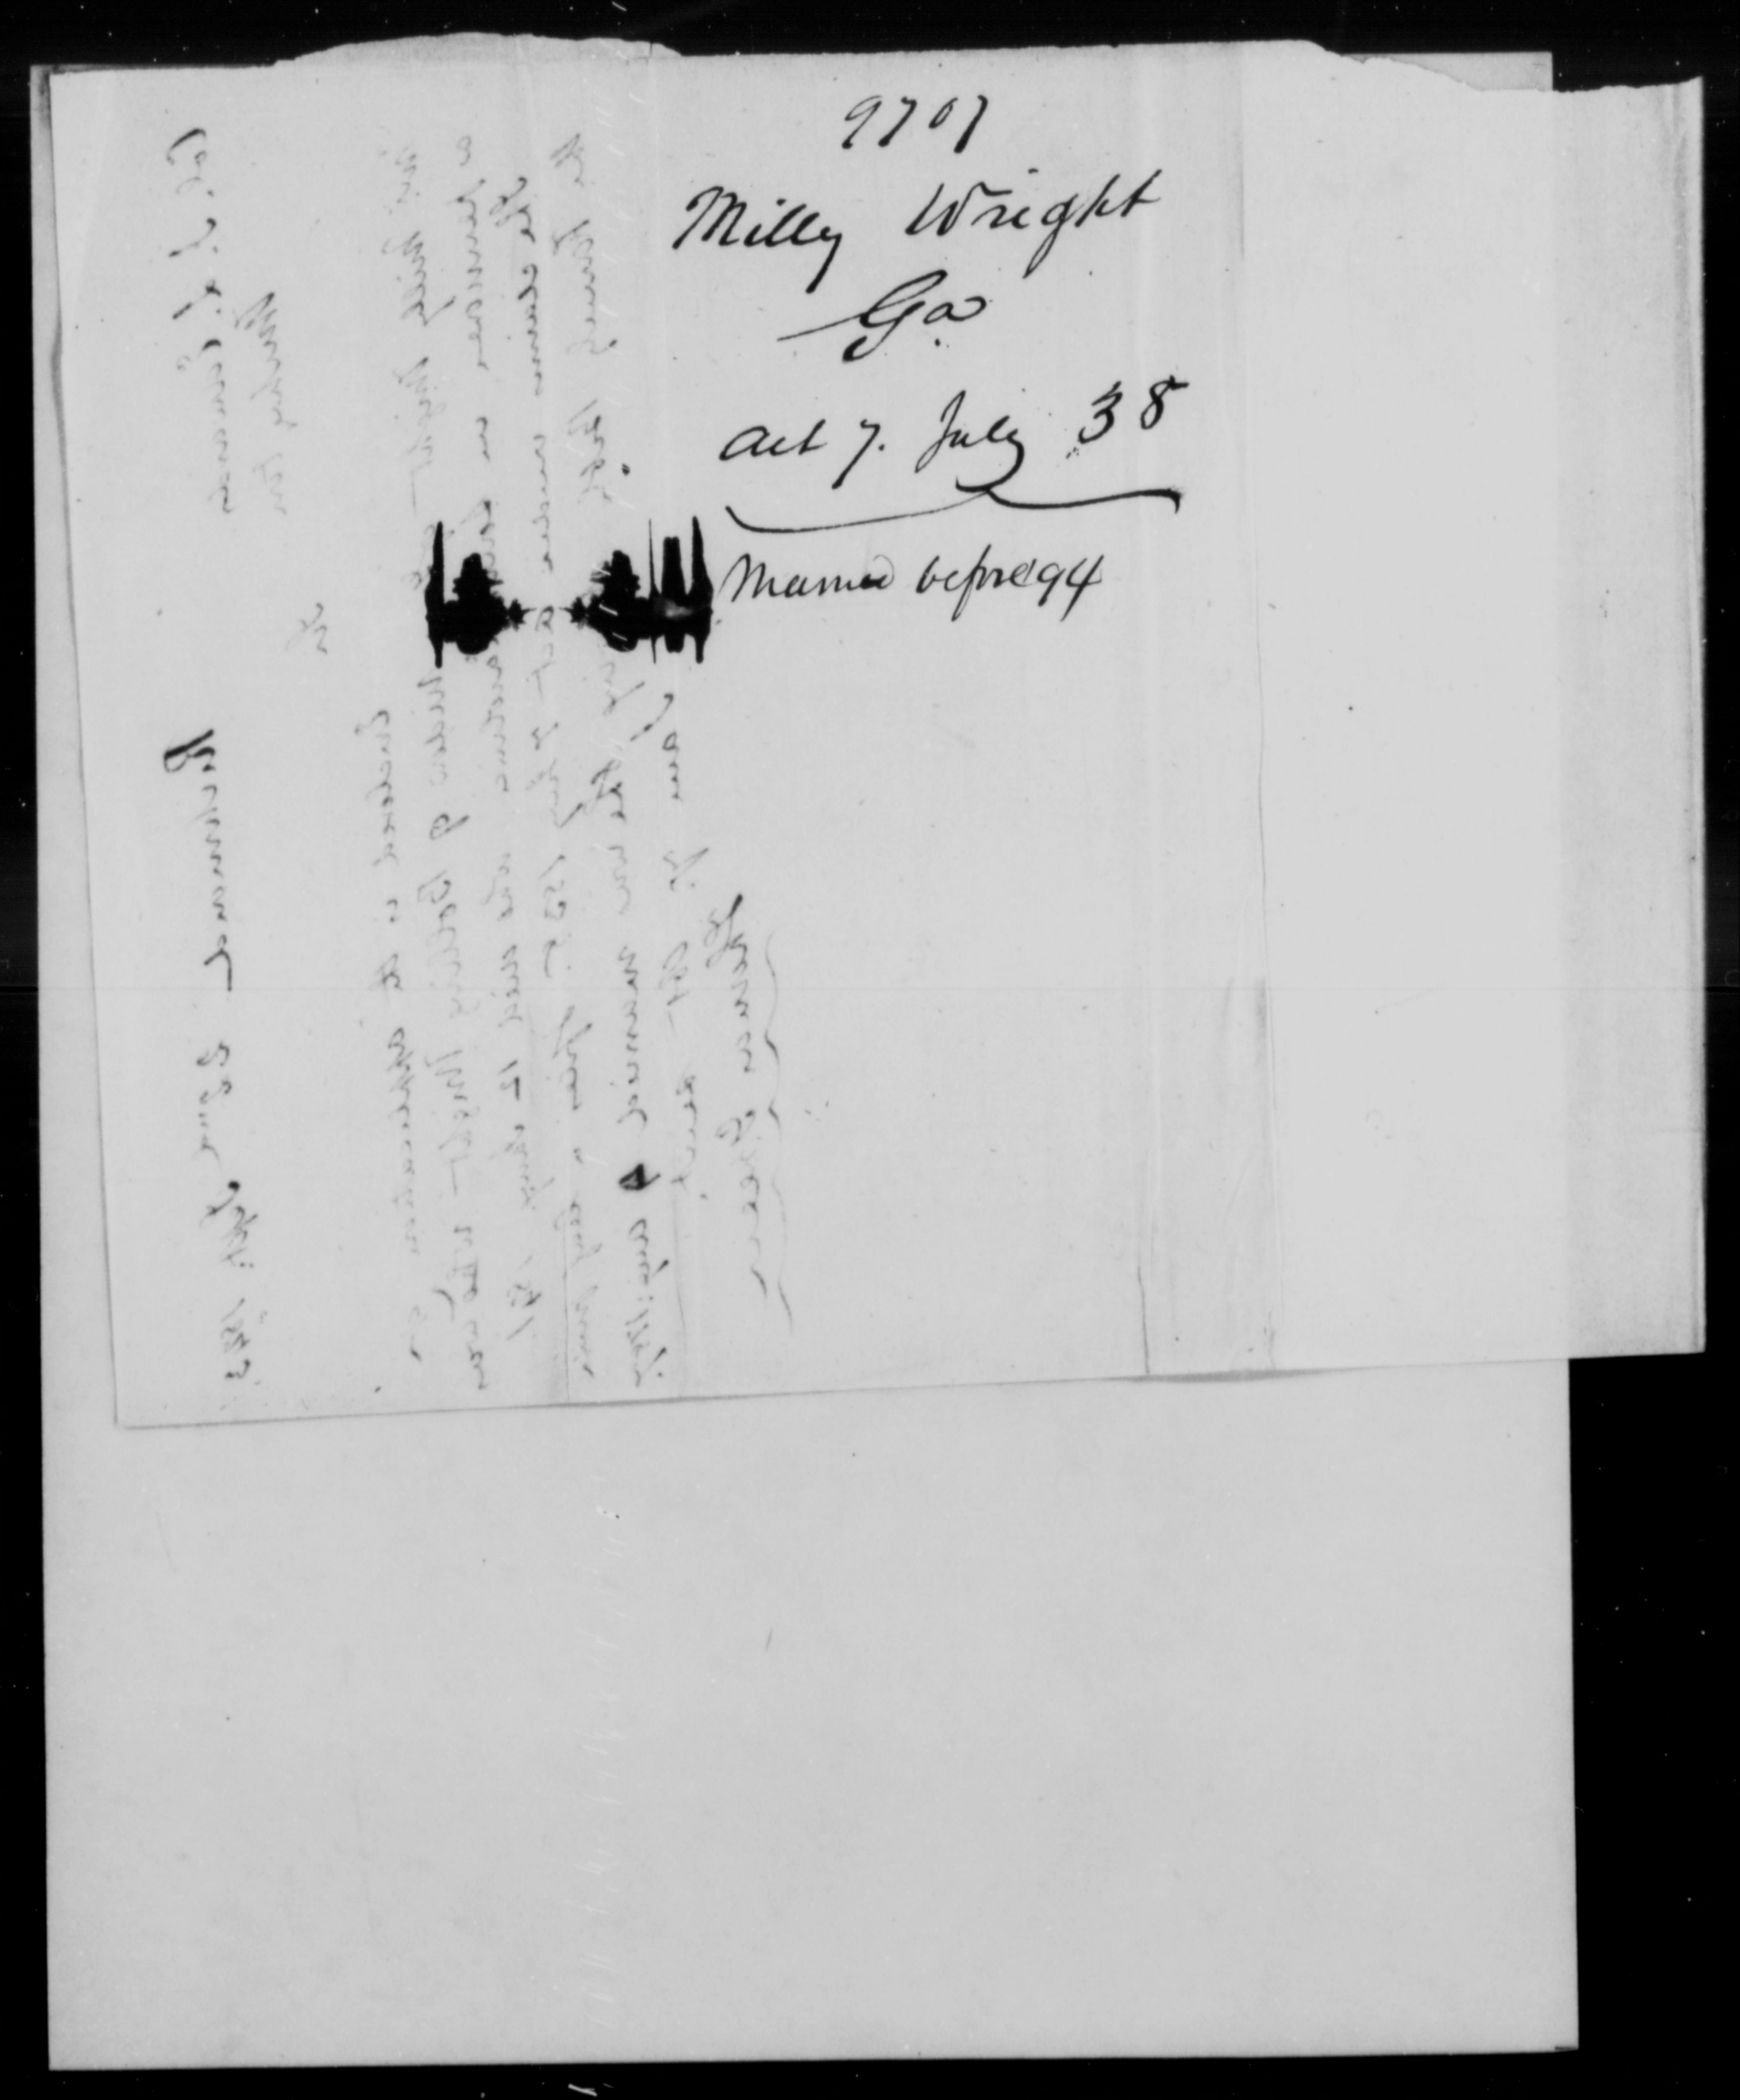9707
Milly Wright
Ga.

Act 7. July 38

Married before 94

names: Milly Wright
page: 62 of 81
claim: widow's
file: W. 5183, Bolling Wright, Va.